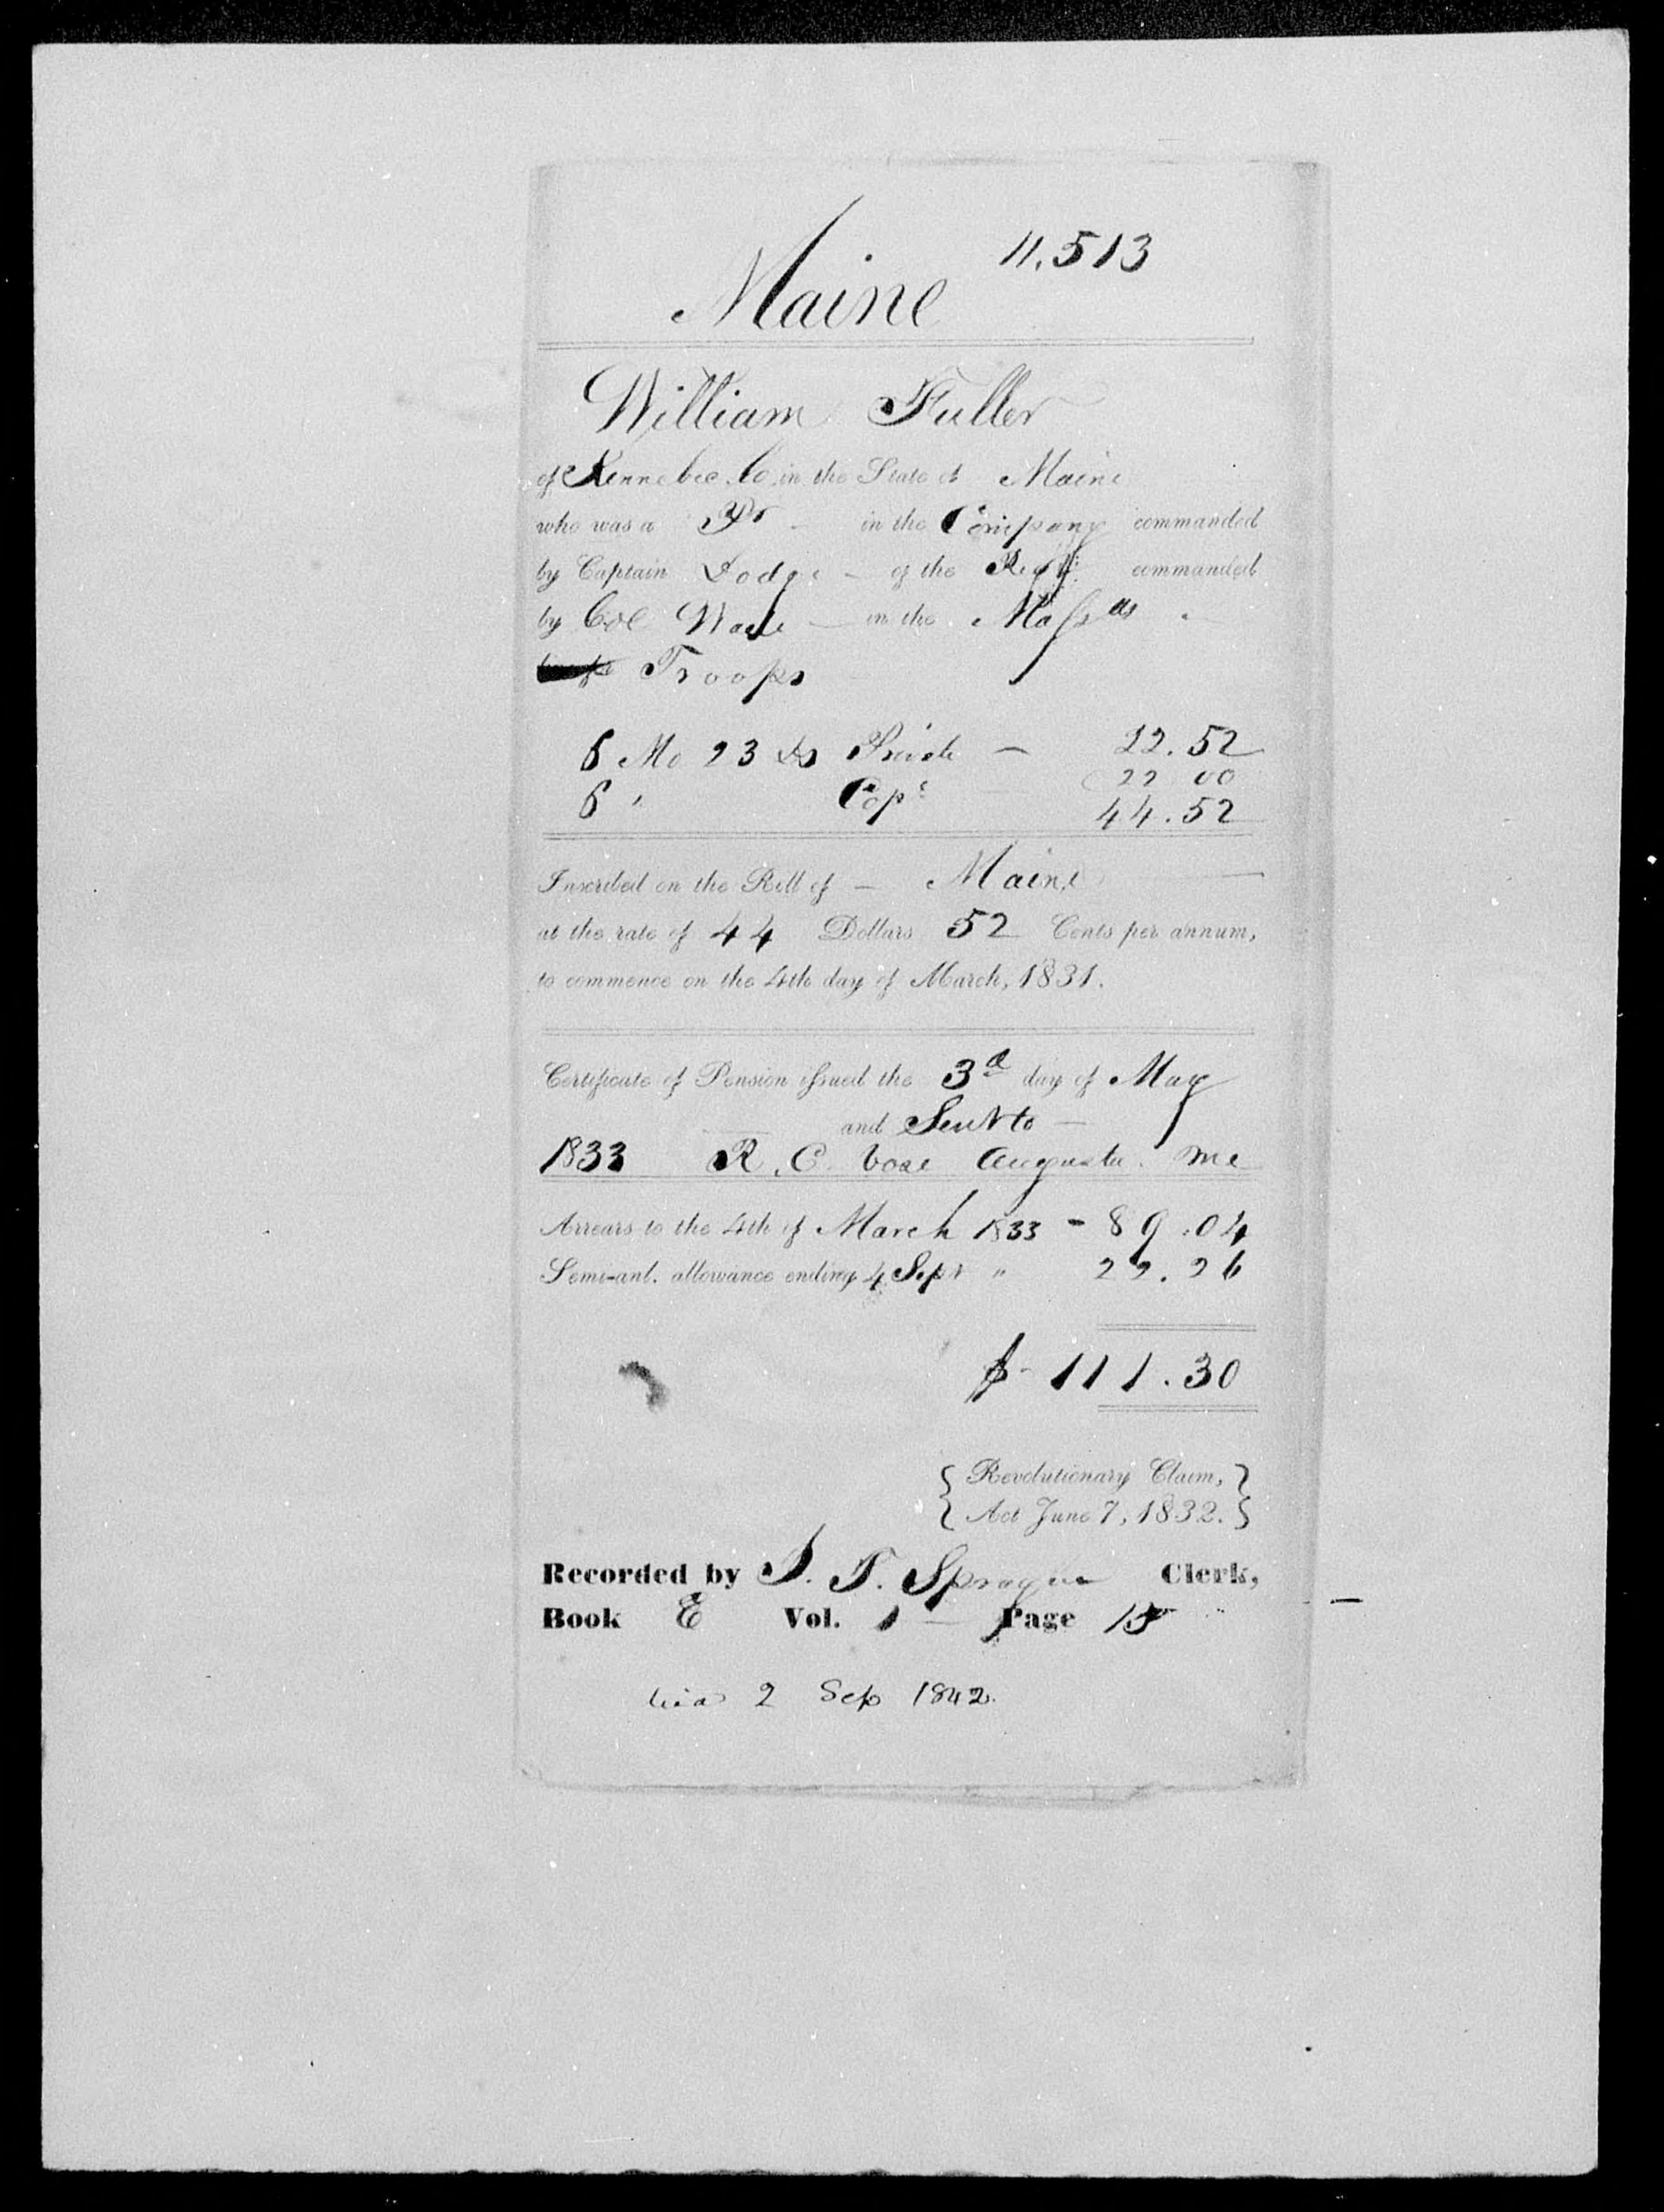11,513
Maine
William Fuller
of Kennebeck in the State of Maine who was a Pr. in the Company commanded by Captain Dodge of the Regt. commanded by Col Wade in the Masstts. Troops
6 Mo 23 Ds Private - 22.52
6 "[Mo]        Copl.   - 22.00
                                  44.52
Inscribed on the Roll of Maine
at the rate of 44 Dollars 52 Cents per annum,
to commence on the 4th day of March, 1831.
Certificate of Pension issued the 3d day of May 1833
and Sent to R.C. Vose Augusta, Me
Arrears to the 4th of March 1833 - 89.04
Semi-anl. allowanct ending 4 Sept "[1833] 22.26
$111.30
[Revolutionary Claim, Act June 7, 1832.}
Recorded by J. T. Sprague Clerk,
Book E Vol. 1 Page 15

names: Wade, R C Vose, William Fuller, Dodge, J T Sprague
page: 2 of 45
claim: widow's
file: W. 17933, William Fuller, Mass